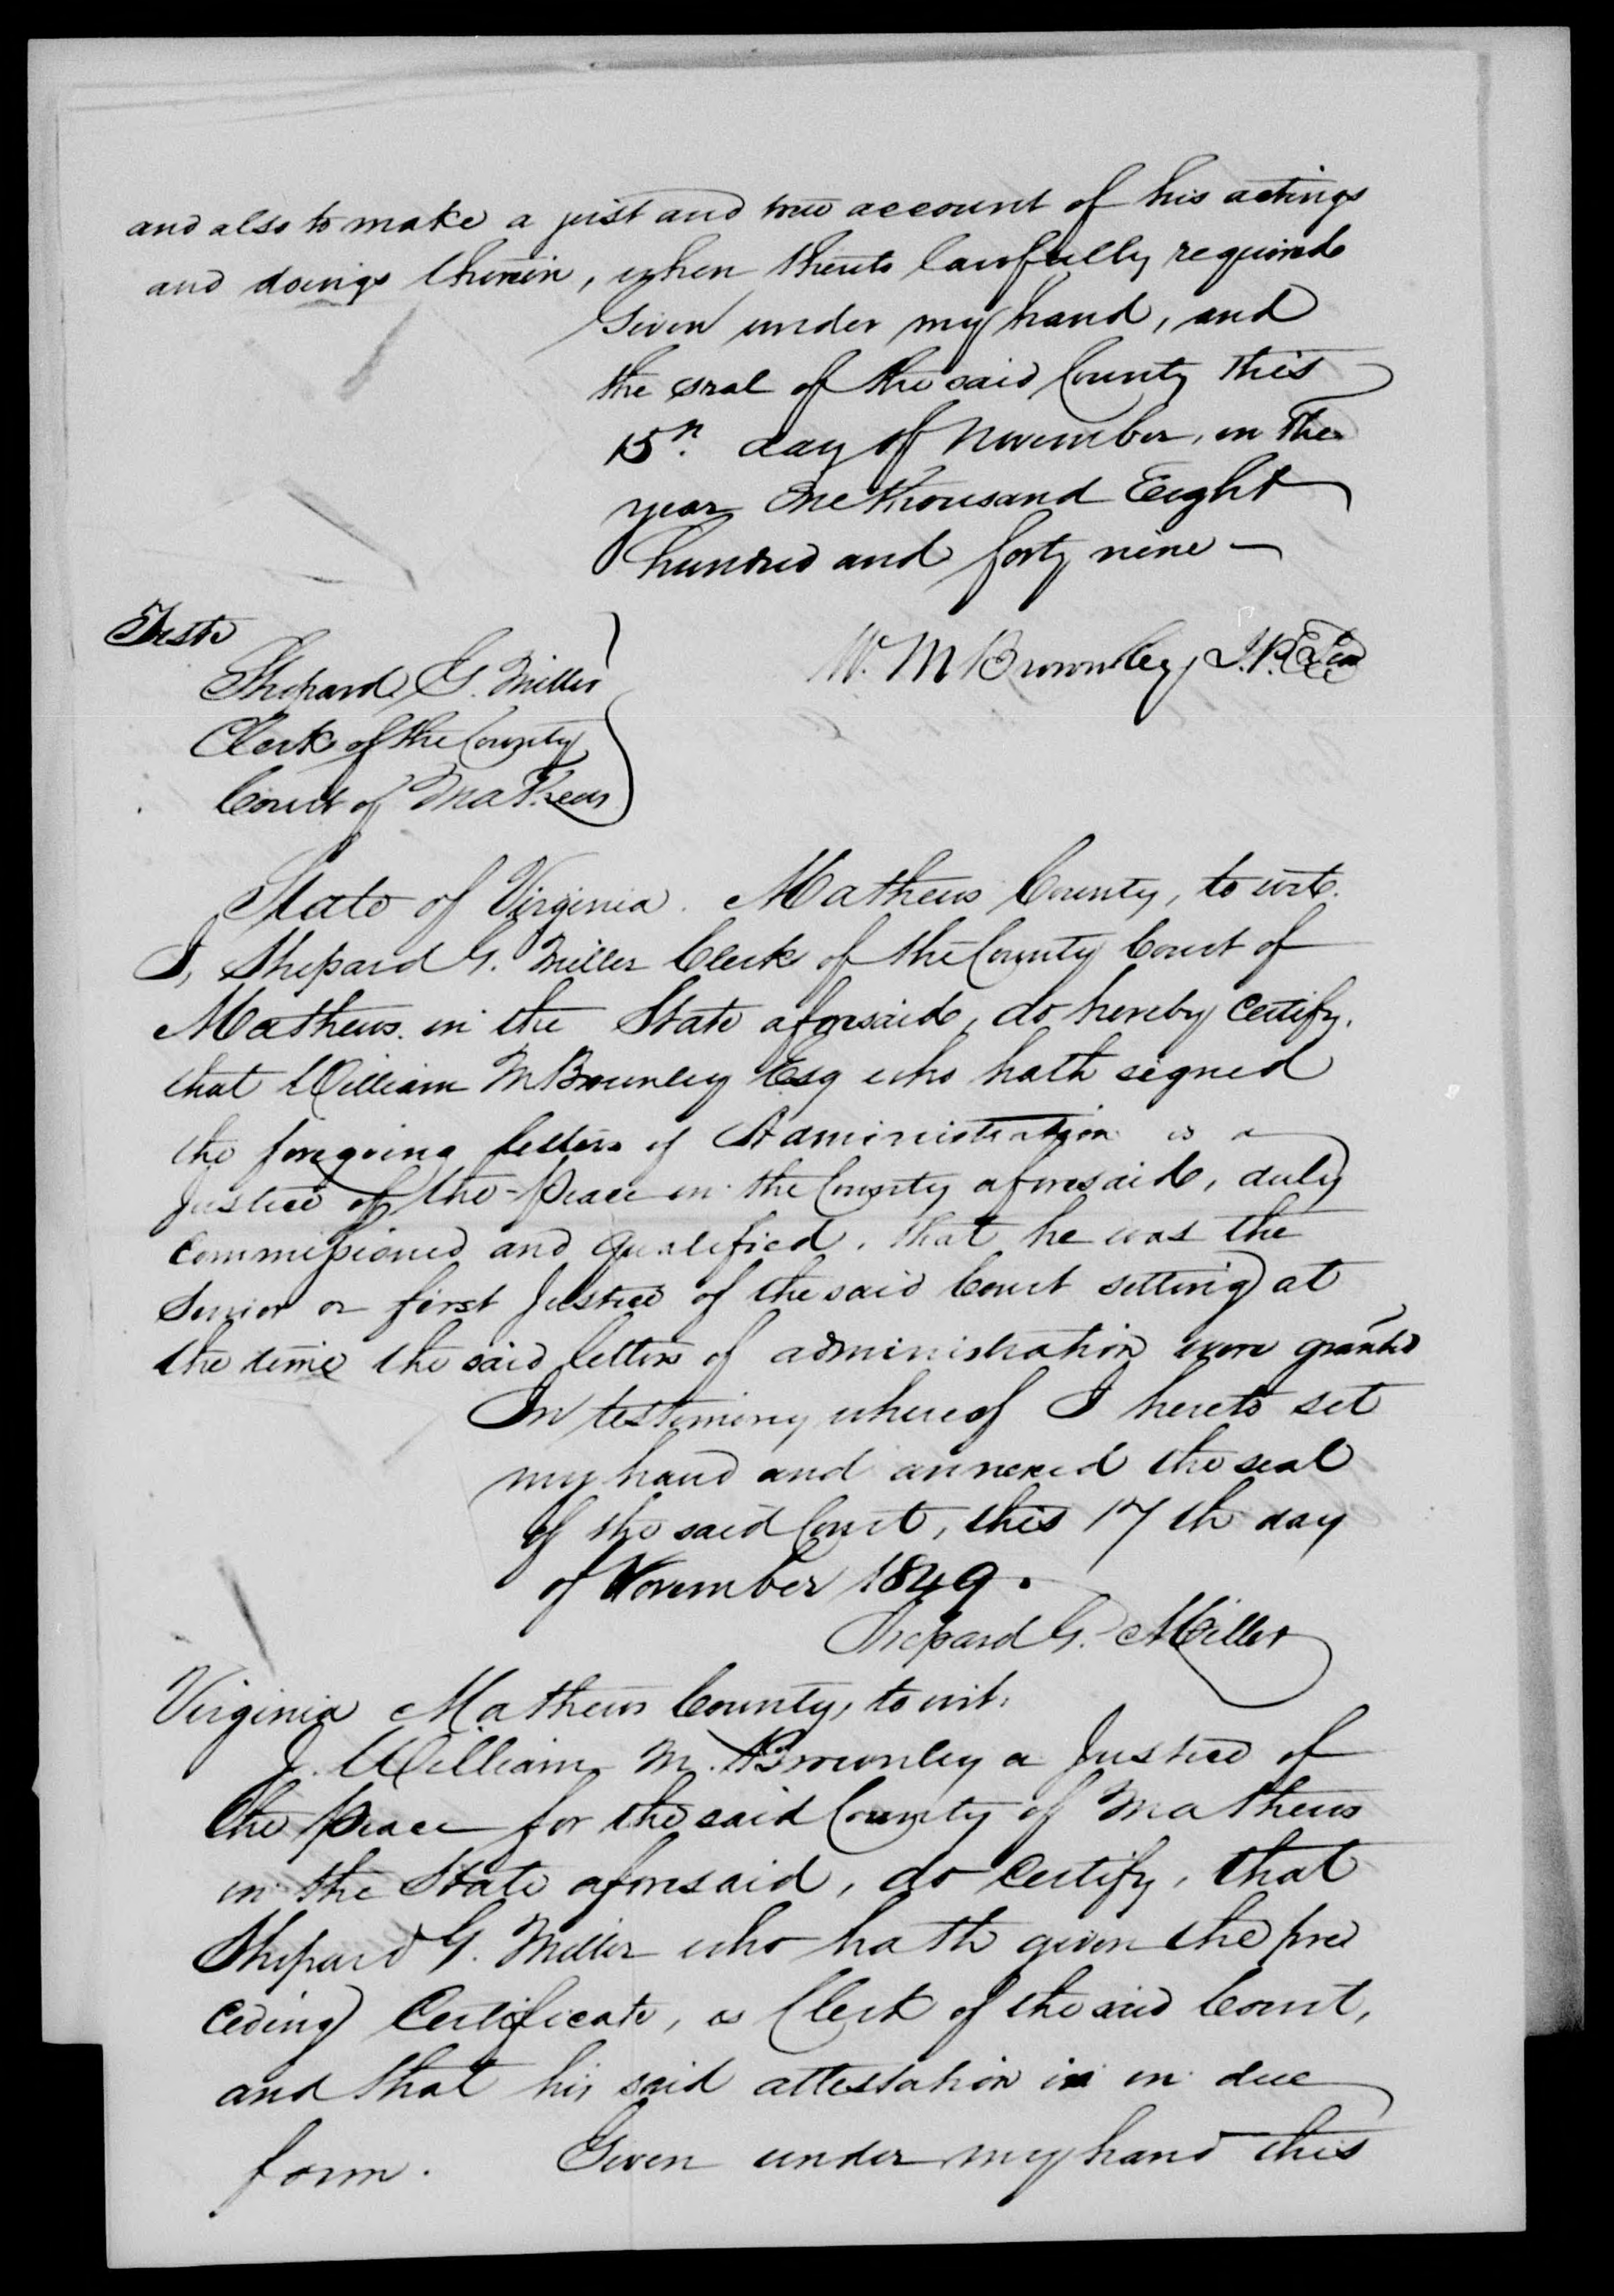and also to make a just and true account of his actings and doings therein, when thento lawfully required
Given under my hand, and the seal of the said County this 15th day of November, in the year One thousand Eight hundred and forty nine
W. M Brownley J. P.
Test.
Shepard G. Miller 
Clerk of the County Court of Mathews
State of Virginia. Mathews County, to wit.
I, Shepard G. Miller Clerk of the County Court of Mathews in the State aforesaid, do hereby certify, that William M. Brownley Esq who hath signed the foregoing letters of Administration is a Justice of the Peace in the County aforesaid, duly commissioned and qualified, that he was the Senior or first Justice of the said Court setting at the time the said letters of administration were granted
In testimony whereof I hereto set my hand and annexed the seal of the said Court, this 17th day of November 1849.
Shepard G. Miller
Virginia Mathews County, to wit:
I, William M. Brownley a Justice of the Peace for the said County of Mathews in the State aforesaid, do certify, that Shepard G. Miller who hath given the preceding certificate, as Clerk of the said Court, and that his said attestation is in due form. Given under my hand this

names: William M Brownley; Shepard G Miller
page: 16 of 30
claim: rejected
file: R. 16,555, for Thomas Morris, Georgia